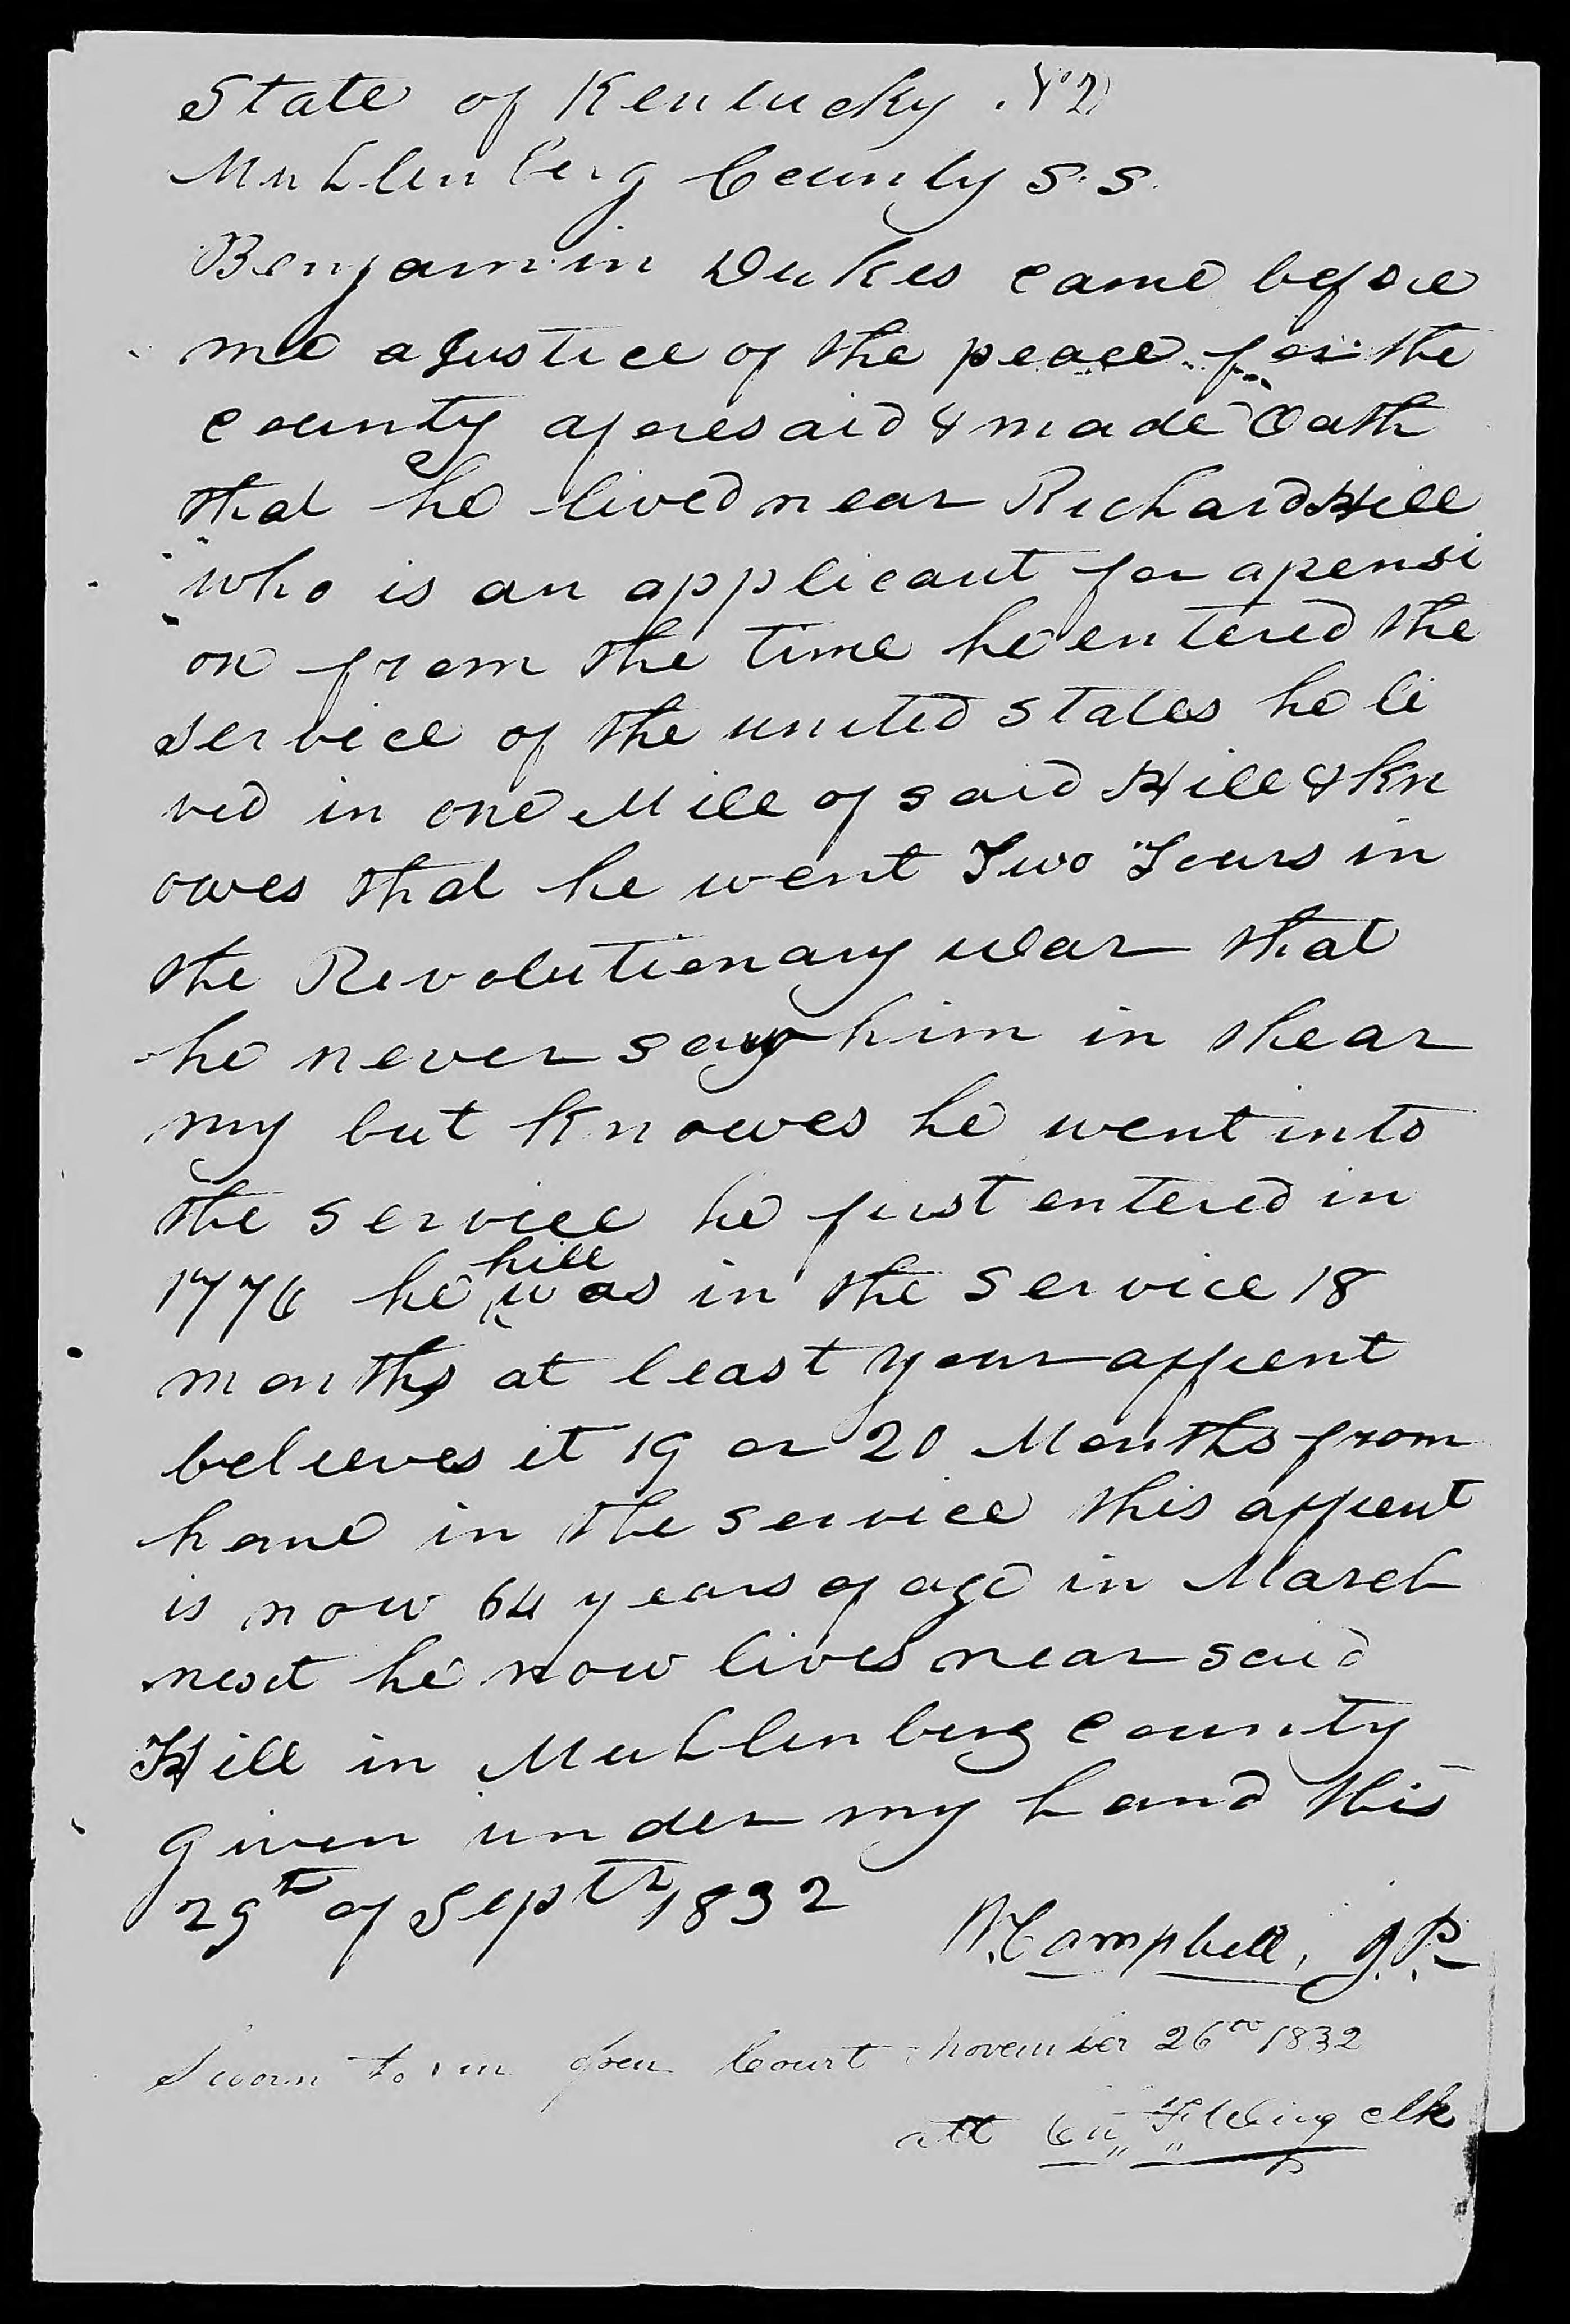(No. 2) 

State of Kentucky 
Muhlenberg County SS 

Benjamin Dukes came before me a Justice of the peace for the County aforesaid & made oath that he lived near Richard Hill who is an applicant for a pension from the time he entered the Service of the United States he lived in one mile of said Hill & knows that he went Two years in the Revolutionary War – that he never saw him in the Army but knows he went into the service he first entered in 1776 he [^ Hill] was in the service 18 months at least your affiant believes it 19 or 20 months from home in the service this affiant is now 64 years of age in March next he now lives near said Hill in Muhlenberg County. 
Given under my hand this 29th of September 1832 
W Campbell, JP

Sworn to in open Court November 26th 1832 

Ch F Wing, clk [Clerk]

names: Hill, Hill, W Campbell, Richard Hill, Ch F Wing, Benjamin Dukes, Hill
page: 24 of 27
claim: rejected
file: R. 5006, Richard Hill, N.C.